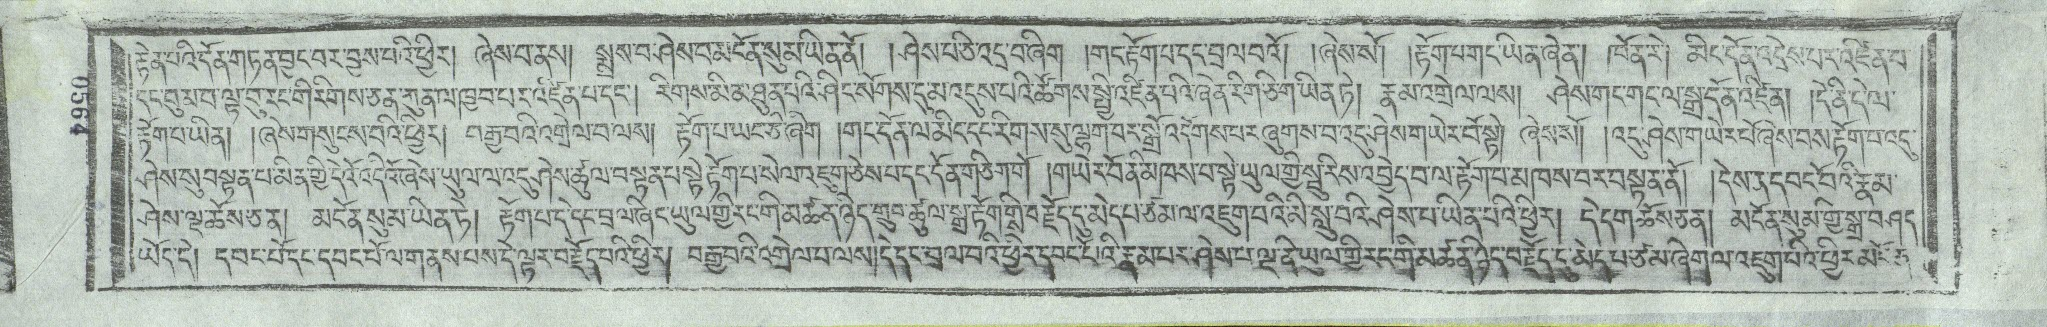རྟེན་པའི་དོན་གཏན་བྱང་བར་བྱས་པའི་ཕྱིར། ཞེས་པ་ནས། སྨྲས་པ་ཤེས་བ་མངོན་སུམ་ཡིན་ནོ། །ཤེས་པ་ཅི་འདྲ་བ་ཞིག །གང་རྟོག་པ་དང་བྲལ་བའོ། །ཞེས་སོ། །རྟོག་པ་གང་ཡིན་ཞེ་ན། ཁོ་ན་རེ། མིང་དོན་འདྲེས་པར་འཛིན་པ་
དང་བུམ་པ་ལྟ་བུ་རང་གི་རིགས་ཅན་ཀུན་ལ་ཁྱབ་པར་འཛིན་པ་དང་། རིགས་མི་མཐུན་པའི་ཤིང་སོགས་དུ་མ་འདུས་པའི་སོགས་སྤྱི་འཛིན་པའི་ཞེན་རིག་ཅིག་ཡིན་ཏེ། རྣམ་འགྲེལ་ལས། ཤེས་གང་གང་ལ་སྒྲ་དོན་འཛིན། །དེ་ནི་དེ་ལ་
རྟོག་པ་ཡིན། །ཞེས་གསུངས་པའི་ཕྱིར། བརྒྱ་བའི་འགྲེལ་བ་ལས། རྟོག་པ་ཡང་ཅི་ཞིག །གང་དོན་ལ་མིང་དང་རིགས་སུ་ལྷག་པར་སྒྲོ་འདོགས་པར་ཞུགས་པ་འདུ་ཤེས་གཡེར་བོ་སྟེ། ཞེས་སོ། །འདུ་ཤེས་གཡེར་པོ་ཞེས་པས་རྟོག་པ་འདུ་
ཤེས་སུ་བསྟན་པ་མིན་གྱི་དེའོ་འདིའོ་ཞེས་ཡུལ་ལ་འདུ་ཤེས་ཚུལ་བསྟན་པ་སྟེ་རྟོག་པ་སེལ་འཇུག་ཅེས་པ་དང་དོན་གཅིག་གོ །གཡེར་པོ་ནི་མཁས་པ་སྟེ་ཡུལ་གྱི་སྦུ་རིས་འབྱེད་པ་ལ་རྟོག་པ་མཁས་པར་བསྟན་ནོ། །དེས་ན་དབང་པོའི་རྣམ་
ཤེས་ལྔ་ཆོས་ཅན། མངོན་སུམ་ཡིན་ཏེ། རྟོག་པ་དེ་དང་བྲལ་ཞིང་ཡུལ་གྱི་རང་གི་མཚན་ཉིད་གྲུབ་ཚུལ་སྒྲ་རྟོག་གིས་བརྗོད་དུ་མེད་པ་ཙམ་ལ་འཇུག་པའི་མི་སླུ་བའི་ཤེས་པ་ཡིན་པའི་ཕྱིར། དེ་དག་ཆོས་ཅན། མངོན་སུམ་གྱི་སྒྲ་བཤད་
ཡོད་དེ། དབང་པོ་དང་དབང་པོ་ལ་གནས་པས་དེ་ལྟར་བརྗོད་པའི་ཕྱིར། བརྒྱ་བའི་འགྲེལ་པ་ལས། དེ་དང་བྲལ་བའི་ཕྱིར་དབང་པོའི་རྣམ་པར་ཤེས་པ་ལྔ་ནི་ཡུལ་གྱི་རང་གི་མཚན་ཉིད་བརྗོད་དུ་མེད་པ་ཙམ་ཞིག་ལ་འཇུག་པའི་ཕྱིར་མངོན་